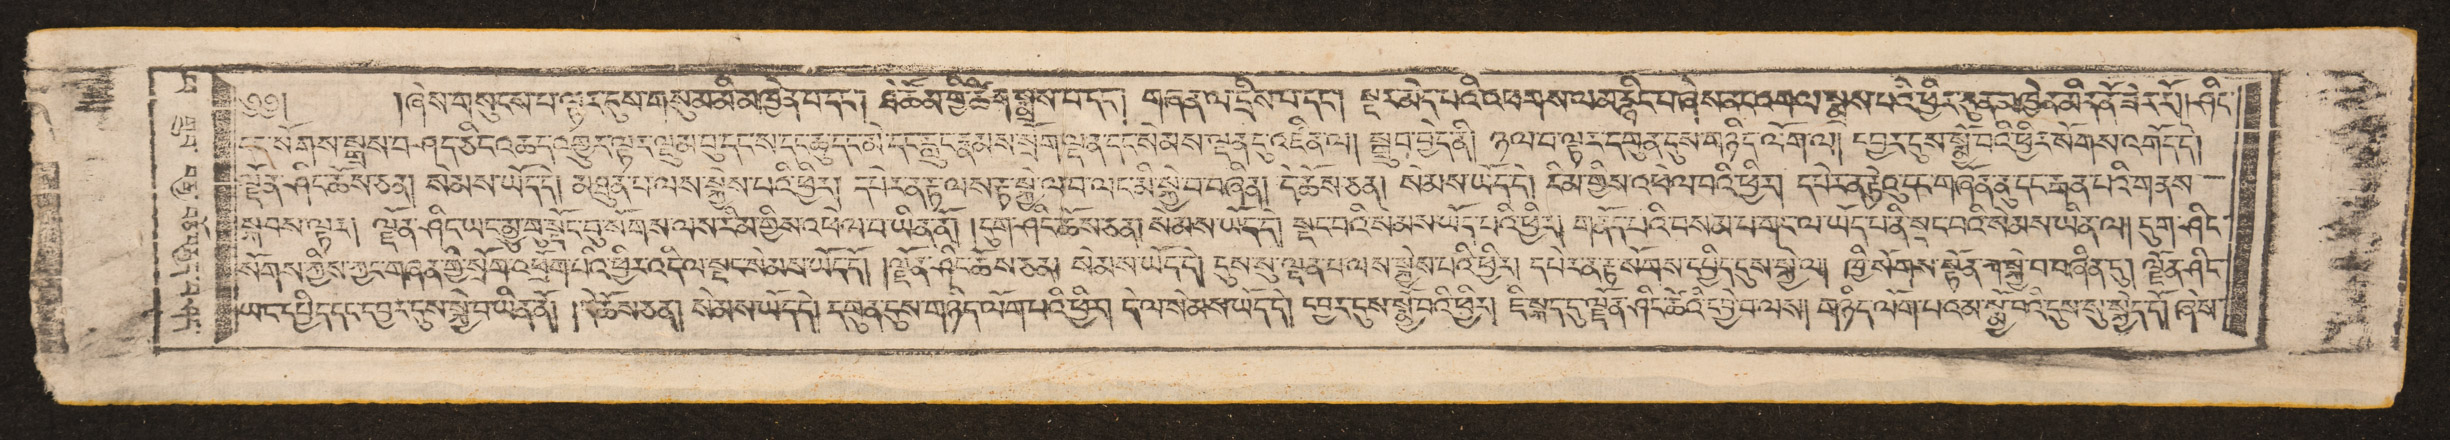༄༅། །ཞེས་གསུངས་པ་ལྟར་དུས་གསུམ་མི་མཁྱེན་པ་དང་། ཐེ་ཚོམ་གྱི་ཚིག་སྨྲས་པ་དང་། གཞན་ལ་དྲིས་པ་དང་། སྔར་མེད་པའི་འཕགས་ལམ་རྙིང་པ་ཞེས་ནང་འགལ་སྨྲས་པའི་ཕྱིར་ཀུན་མཁྱེན་མིན་ནོ་ཟེར་རོ། །ཤིང་
དང་སོགས་སྒྲས་བཤད་ཅིང་འཆད་འགྱུར་ལྟར་ལྡུམ་བུ་དང་ས་དང་ཆུ་དང་མེ་དང་རླུང་རྣམས་སྲོག་ལྡན་དང་སེམས་ལྡན་དུ་འཛིན་ལ། སྒྲུབ་བྱེད་ནི། ཉལ་བ་ལྟར་དགུན་དུས་གཉིད་ལོག་ལ། དབྱར་དུས་སྨྱོ་བའི་ཕྱིར་སོགས་འགོད་དེ།
ལྗོན་ཤིང་ཆོས་ཅན། སེམས་ཡོད་དེ། མཐུན་པ་ལས་སྐྱེས་པའི་ཕྱིར། དཔེར་ན་རྟ་ལས་རྟ་སྐྱེལ་བ་ལང་མི་སྐྱེ་བ་བཞིན། དེ་ཆོས་ཅན། སེམས་ཡོད་དེ། རིམ་གྱིས་འཕེལ་བའི་ཕྱིར། དཔེར་ན་རྟེའུ་དང་གཞོན་ནུ་དང་རྒན་པའི་གནས་
སྐབས་ལྟར། ལྗོན་ཤིང་ཡང་མྱུ་གུ་སྡོང་བུ་སོགས་ལས་རིམ་གྱིས་འཕེལ་བ་ཡིན་ནོ། །དུག་ཤིང་ཆོས་ཅན། སེམས་ཡོད་དེ། སྡང་བའི་སེམས་ཡོད་པའི་ཕྱིར། གནོད་པའི་བསམ་པ་གང་ལ་ཡོད་པ་ནི་སྡང་བའི་སེམས་ཡིན་ལ། དུག་ཤིང་
སོགས་ཀྱིས་ཀྱང་གཞན་གྱི་སྲོག་འཕྲོག་པའི་ཕྱིར་འདི་ལ་སྡང་སེམས་ཡོད་དོ། །ལྗོན་ཤིང་ཆོས་ཅན། སེམས་ཡོད་དེ། དུས་སུ་ལྡན་པ་ལས་སྐྱེས་པའི་ཕྱིར། དཔེར་ན་རྟ་སོགས་དཔྱིད་དུས་སྐྱེལ། ཁྱི་སོགས་སྟོན་ཀ་སྐྱེ་བ་བཞིན་དུ། ལྗོན་ཤིང་
ཡང་དཔྱིད་དང་དབྱད་དུས་སྐྱེ་བ་ཡིན་ནོ། །དེ་ཆོས་ཅན། སེམས་ཡོད་དེ། དགུན་དུས་གཉིད་ལོག་པའི་ཕྱིར། དེ་ལ་སེམས་ཡོད་དེ། དབྱར་དུས་སྨྱོ་པའི་ཕྱིར། ཇི་སྐད་དུ་ལྗོན་ཤིང་ཚེའི་དབྱེ་བ་ལས། གཉིད་ལོག་པ་འམ་སྨྱོ་བའི་དུས་སུ་སྐྱེད་དོ། ཞེས་